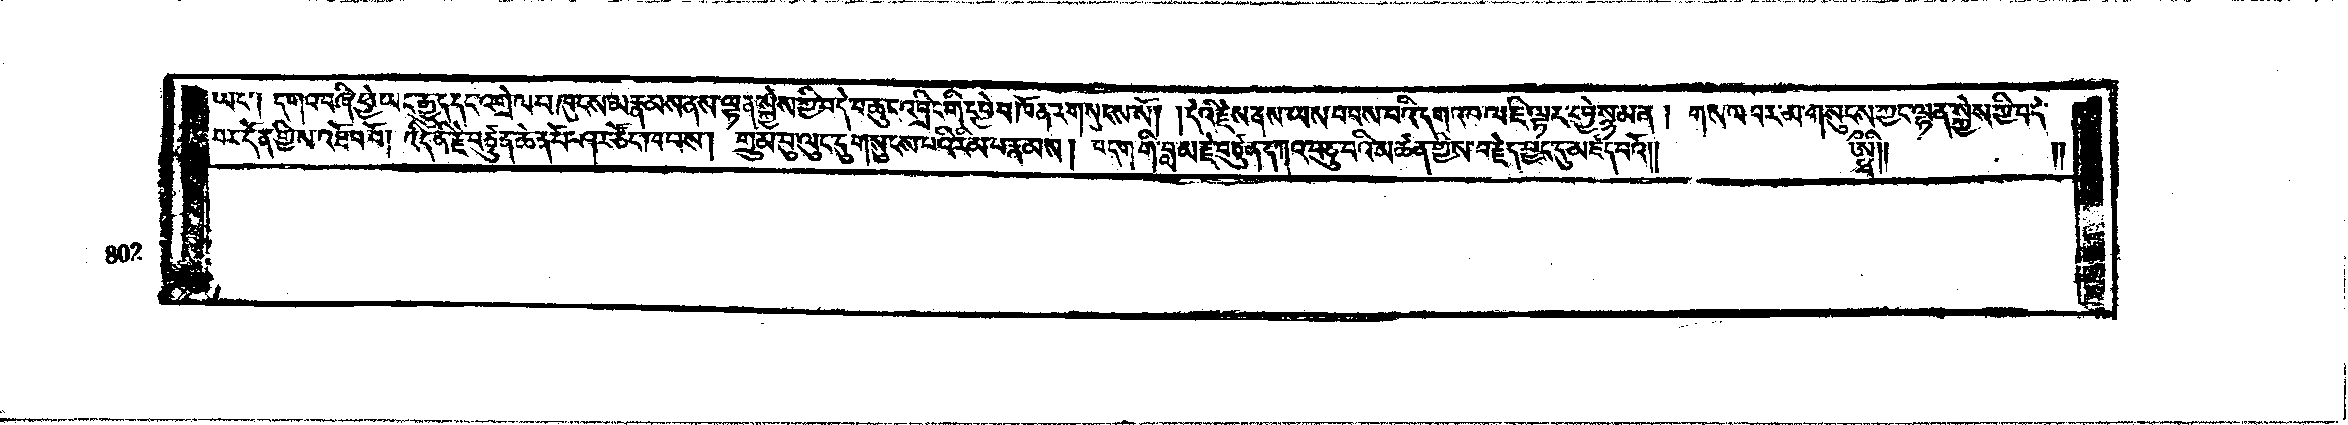ཡང་། དགའ་བཞི་ཕྱེ་ཡང་རྒྱུད་དང་འགྲེལ་པ་ཁུངས་མ་རྣམས་ནས་ལྷན་སྐྱེས་ཀྱི་བདེ་བ་ཆུང་འབྲིང་གི་དབྱེ་བ་ཁོ་ནར་གསུངས་སོ། །དེའི་རྗེས་ནས་ཡས་བབས་པའི་དགའ་བ་ལ་ཇི་ལྟར་དབྱེ་སྙམ་ན། གསལ་བར་མ་གསུངས་ཀྱང་ལྷན་སྐྱེས་ཀྱི་བདེ་
བར་དོན་གྱིས་འཐོབ་བོ། །འདི་ནི་རྗེ་བཙུན་ཆེན་པོ་ཤར་ཙོང་ཁ་པས། གྲུམ་བུ་ལུང་དུ་གསུངས་པའི་རིམ་པ་རྣམས། བདག་གི་བླ་མ་རྗེ་བཙུན་དཀའ་བཅུ་པའི་མཚན་གྱིས་བརྗེད་བྱང་དུ་མཛད་པའོ།། ཨྀཐི།། །།